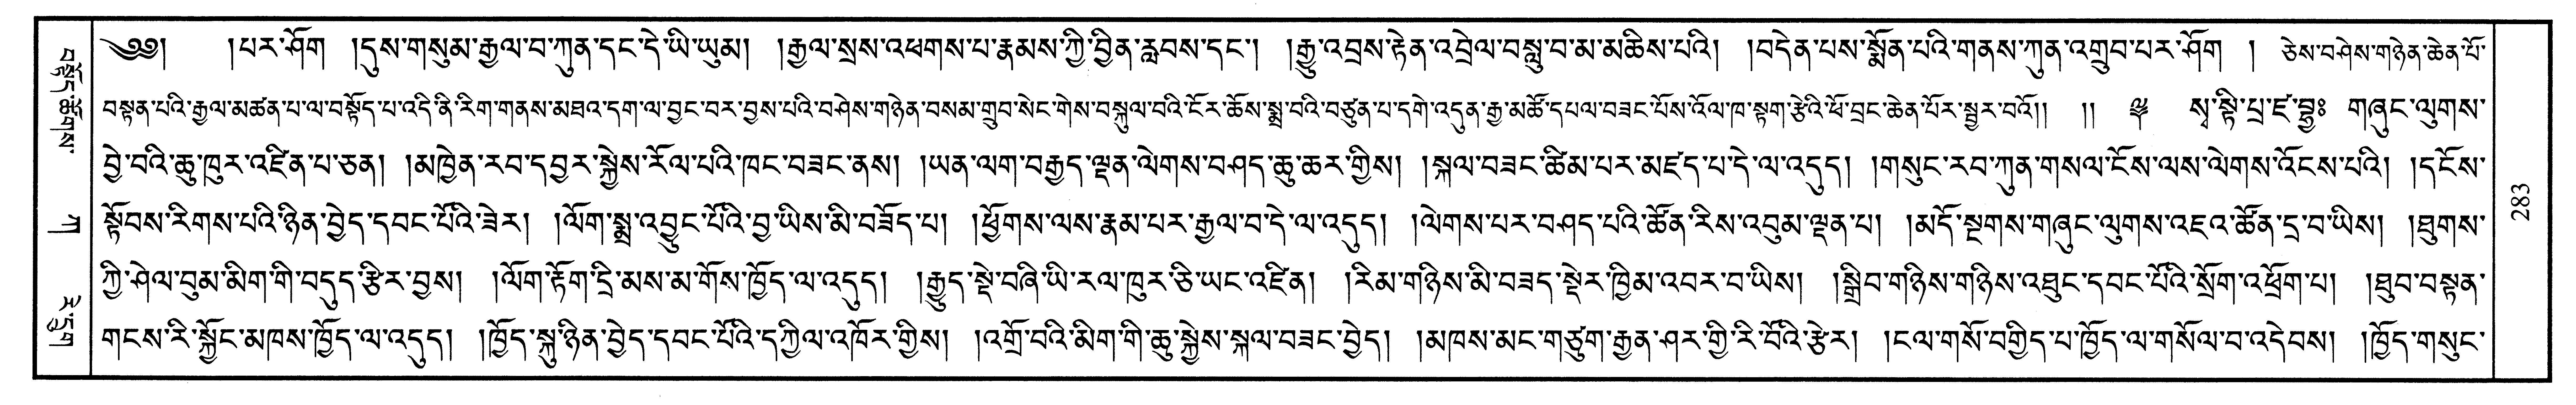༄༅། །པར་ཤོག །དུས་གསུམ་རྒྱལ་བ་ཀུན་དང་དེ་ཡི་ཡུམ། །རྒྱལ་སྲས་འཕགས་པ་རྣམས་ཀྱི་བྱིན་རླབས་དང་། །རྒྱུ་འབྲས་རྟེན་འབྲེལ་བསླུ་བ་མ་མཆིས་པའི། །བདེན་པས་སྨོན་པའི་གནས་ཀུན་འགྲུབ་པར་ཤོག །ཅེས་བཤེས་གཉེན་ཆེན་པོ་
བསྟན་པའི་རྒྱལ་མཚན་པ་ལ་བསྟོད་པ་འདི་ནི་རིག་གནས་མཐའ་དག་ལ་བྱང་བར་བྱས་པའི་བཤེས་གཉེན་བསམ་གྲུབ་སེང་གེས་བསྐུལ་བའི་ངོར་ཆོས་སྨྲ་བའི་བཙུན་པ་དགེ་འདུན་རྒྱ་མཚོ་དཔལ་བཟང་པོས་འོལ་ཁ་སྟག་རྩེའི་ཕོ་བྲང་ཆེན་པོར་སྦྱར་བའོ།། །། ༈ སྭ་སྟི་པྲ་ཛ་བྷྱཿ གཞུང་ལུགས་
བྱེ་བའི་ཆུ་ཁུར་འཛིན་པ་ཅན། །མཁྱེན་རབ་དབྱར་སྐྱེས་རོལ་བའི་ཁང་བཟང་ནས། །ཡན་ལག་བརྒྱད་ལྡན་ལེགས་བཤད་ཆུ་ཆར་གྱིས། །སྐལ་བཟང་ཚིམ་པར་མཛད་པ་དེ་ལ་འདུད། །གསུང་རབ་ཀུན་གསལ་ངོས་ལས་ལེགས་འོངས་པའི། །དངོས་
སྟོབས་རིགས་པའི་ཉིན་བྱེད་དབང་པོའི་ཟེར། །ལོག་སྨྲ་འབྱུང་པོའི་བྱ་ཡིས་མི་བཟོད་པ། །ཕྱོགས་ལས་རྣམ་པར་རྒྱལ་བ་དེ་ལ་འདུད། །ལེགས་པར་བཤད་པའི་ཚོན་རིས་འབུམ་ལྡན་པ། །མདོ་སྔགས་གཞུང་ལུགས་འཇའ་ཚོན་དྲ་བ་ཡིས། །ཐུགས་
ཀྱི་ཤེལ་བུམ་མིག་གི་བདུད་རྩིར་བྱས། །ལོག་རྟོག་དྲི་མས་མ་གོས་ཁྱོད་ལ་འདུད། །རྒྱུད་སྡེ་བཞི་ཡི་རལ་ཁུར་ཅི་ཡང་འཛིན། །རིམ་གཉིས་མི་བཟད་སྡེར་ཁྱིམ་འབར་བ་ཡིས། །སྒྲིབ་གཉིས་གཉིས་འཐུང་དབང་པོའི་སྲོག་འཕྲོག་པ། །ཐུབ་བསྟན་
གངས་རི་སྐྱོང་མཁས་ཁྱོད་ལ་འདུད། །ཁྱོད་སྐུ་ཉིན་བྱེད་དབང་པོའི་དཀྱིལ་འཁོར་གྱིས། །འགྲོ་བའི་མིག་གི་ཆུ་སྐྱེས་སྐལ་བཟང་བྱེད། །མཁས་མང་གཙུག་རྒྱན་ཤར་གྱི་རི་བོའི་རྩེར། །ངལ་གསོ་བགྱིད་པ་ཁྱོད་ལ་གསོལ་བ་འདེབས། །ཁྱོད་གསུང་